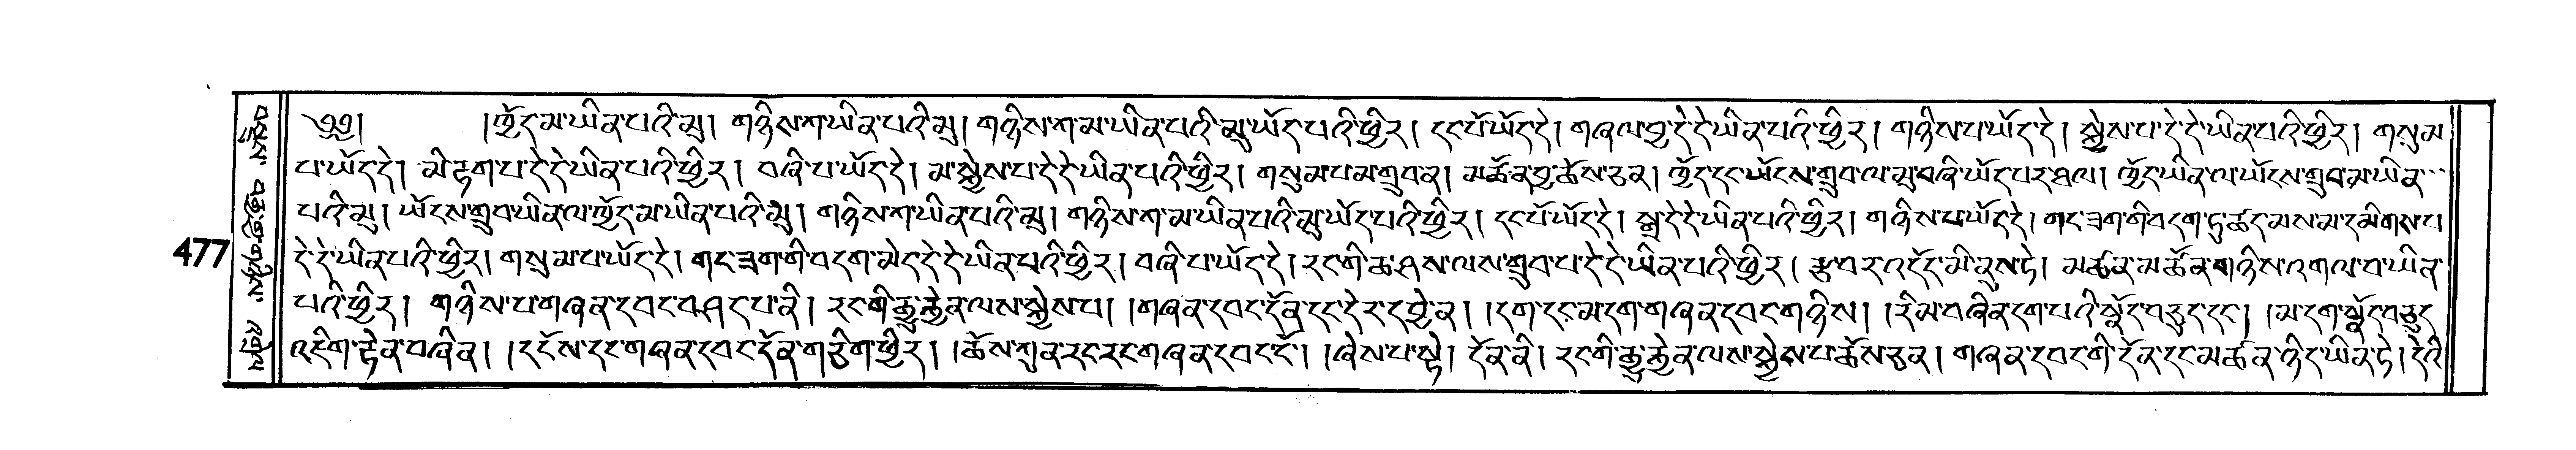༄༅། །ཁྱོད་མ་ཡིན་པའི་མུ། གཉིས་ཀ་ཡིན་པའི་མུ། གཉིས་ཀ་མ་ཡིན་པའི་མུ་ཡོད་པའི་ཕྱིར། དང་པོ་ཡོད་དེ། གཞལ་བྱ་དེ་དེ་ཡིན་པའི་ཕྱིར། གཉིས་པ་ཡོད་དེ། སྐྱེས་པ་དེ་དེ་ཡིན་པའི་ཕྱིར། གསུམ་
པ་ཡོད་དེ། མི་རྟག་པ་དེ་དེ་ཡིན་པའི་ཕྱིར། བཞི་པ་ཡོད་དེ། མ་སྐྱེས་པ་དེ་དེ་ཡིན་པའི་ཕྱིར། གསུམ་པ་མ་གྲུབ་ན། མཚོན་བྱ་ཆོས་ཅན། ཁྱོད་དང་ཡོངས་གྲུབ་ལ་མུ་བཞི་ཡོད་པར་ཐལ། ཁྱོད་ཡིན་ལ་ཡོངས་གྲུབ་མ་ཡིན་
པའི་མུ། ཡོངས་གྲུབ་ཡིན་ལ་ཁྱོད་མ་ཡིན་པའི་མུ། གཉིས་ཀ་ཡིན་པའི་མུ། གཉིས་ཀ་མ་ཡིན་པའི་མུ་ཡོད་པའི་ཕྱིར། དང་པོ་ཡོད་དེ། སྒྲ་དེ་དེ་ཡིན་པའི་ཕྱིར། གཉིས་པ་ཡོད་དེ། གང་ཟག་གི་བདག་ཏུ་ཚད་མས་མ་དམིགས་པ་
དེ་དེ་ཡིན་པའི་ཕྱིར། གསུམ་པ་ཡོད་དེ། གང་ཟག་གི་བདག་མེད་དེ་དེ་ཡིན་པའི་ཕྱིར། བཞི་པ་ཡོད་དེ། རང་གི་ཆ་ཤས་ལས་གྲུབ་པ་དེ་དེ་ཡིན་པའི་ཕྱིར། རྩ་བར་འདོད་མི་ནུས་ཏེ། མཚན་མཚོན་གཉིས་འགལ་བ་ཡིན་
པའི་ཕྱིར། གཉིས་པ་གཞན་དབང་བཤད་པ་ནི། རང་གི་རྒྱུ་རྐྱེན་ལས་སྐྱེས་པ། །གཞན་དབང་དོན་དང་དེར་དབྱེ་ན། །དག་དང་མ་དག་གཞན་དབང་གཉིས། །རིམ་བཞིན་དག་པའི་སྣོད་བཅུད་དང་། །མ་དག་སྣོད་བཅུད་
འཇིག་རྟེན་བཞིན། །དངོས་དང་གཞན་དབང་དོན་གཅིག་ཕྱིར། །ཆོས་ཀུན་རང་རང་གཞན་དབང་ངོ། །ཞེས་པ་སྟེ། དོན་ནི། རང་གི་རྒྱུ་རྐྱེན་ལས་སྐྱེས་པ་ཆོས་ཅན། གཞན་དབང་གི་དོན་དང་མཚན་ཉིད་ཡིན་ཏེ། དེའི་